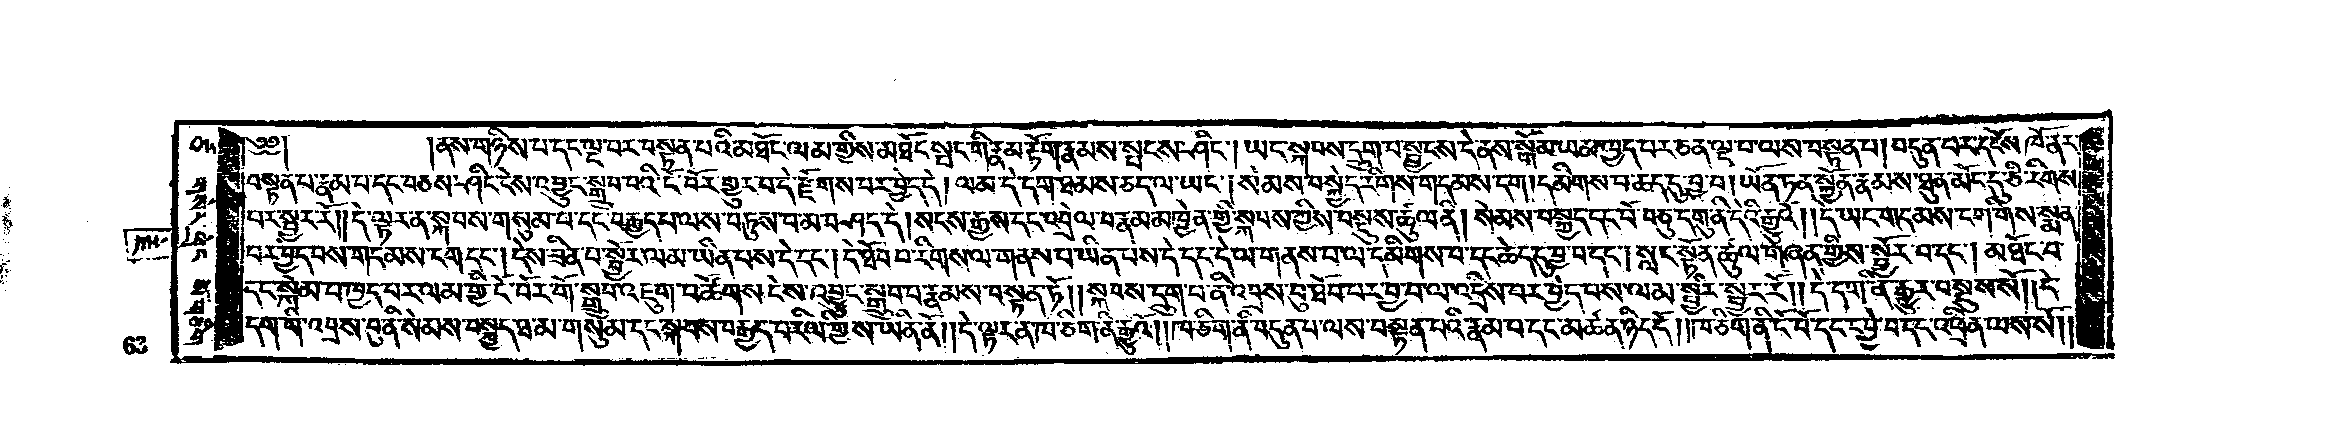༄༅། །ནས་གཉིས་པ་དང་ལྔ་པར་བསྟན་པའི་མཐོང་ལམ་གྱིས་མཐོང་སྤང་གི་རྣམ་རྟོག་རྣམས་སྤངས་ཤིང་། ཡང་སྐབས་དྲུག་པ་སྦྱངས་དེ་ནས་སྒོམ་ལམ་ཁྱད་པར་ཅན་ལྔ་པ་ལས་བསྟན་པ། བདུན་པར་དངོས་ཁོ་ནར་
བསྟན་པ་རྣམ་པ་དང་བཅས་ཤིང་ངེས་འབྱུང་སྒྲུབ་པའི་ངོ་བོར་གྱུར་པ་དེ་རྫོགས་པར་བྱེད་དེ། ལམ་དེ་དག་ཐམས་ཅད་ལ་ཡང་། སེམས་བསྐྱེད་རིགས་གདམས་ངག །དམིགས་པ་ཆེད་དུ་བྱ་བ། ཡོན་ཏན་སྐྱོན་རྣམས་ཐུན་མོང་དུ་ཅི་རིགས་
པར་སྦྱར་རོ། །དེ་ལྟར་ན་སྐབས་གསུམ་པ་དང་བརྒྱད་པ་ལས་བཏུས་པ་མ་བཤད་དེ། སངས་རྒྱས་དང་འབྲེལ་བ་རྣམ་མཁྱེན་གྱི་སྐབས་ཀྱིས་བསྡུས་ཚུལ་ནི། སེམས་བསྐྱད་དང་པོ་བཅུ་དགུ་ནི་དེའི་རྒྱུའོ། །དེ་ཡང་གདམས་ངག་གིས་སྨིན་
བར་བྱེད་བས་གདམས་ངག་དང་། དེས་ཟིན་པ་སྦྱོར་ལམ་ཡིན་པས་དེ་དང་། དེ་ཐོབ་པ་རིགས་ལ་གནས་པ་ཡིན་པས་དེ་དང་དེ་ལ་གནས་པ་ལ་དམིགས་པ་དང་ཆེད་དུ་བྱ་བ་དང་། སླར་སྟོན་ཚུལ་གཞན་གྱིས་སྦྱོར་བ་དང་། མཐོང་བ་
དང་སྒོམ་པ་ཁྱད་པར་ལམ་གྱི་ངོ་བོར་གོ་སྒྲུབ་འཇུག་པ་ཚོགས་ངེས་འབྱུང་སྒྲུབ་པ་རྣམས་བསྟན་ཏོ། །སྐབས་དྲུག་པ་ནི་འབྲས་བུ་ཐོབ་པར་བྱ་བ་ལ་འདྲིས་པར་བྱེད་པས་ལམ་སྤྱིར་སྦྱར་རོ། །དེ་དག་ནི་རྒྱུར་བསྡུས་སོ། །དེ་
དག་གི་འབྲས་བུ་ནི་སེམས་བསྐྱད་ཐ་མ་གསུམ་དང་སྐབས་བརྒྱད་པ་རིལ་གྱིས་ཡིན་ནོ། །དེ་ལྟར་ན་ཁ་ཅིག་ནི་རྒྱུའོ། །ཁ་ཅིག་ནི་བདུན་པ་ལས་བསྟན་པའི་རྣམ་པ་དང་མཚན་ཉིད་དོ། །ཁ་ཅིག་ནི་ངོ་བོ་དང་དབྱེ་བ་དང་འཕྲིན་ལས་སོ། །